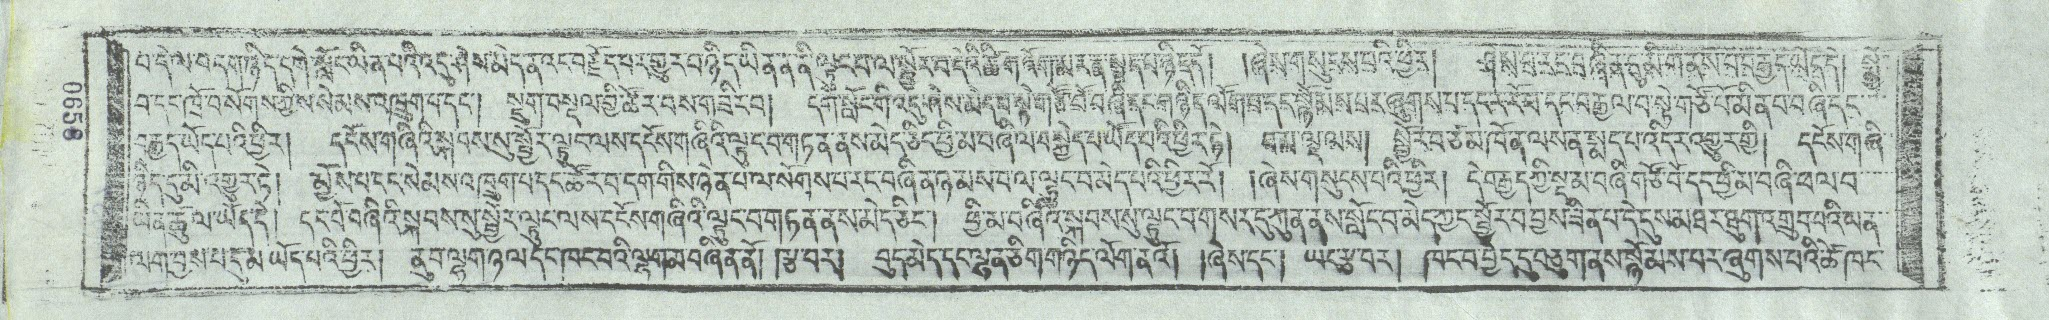པ་དེ་ལ་བདག་ཉིད་དགེ་སློང་ཡིན་པའི་འདུ་ཤེས་མེད་ནའང་བརྗོད་པར་གྱུར་བ་ཉིད་ཡིན་ན་ནི་ལྟུང་བ་ལ་སྦྱོར་བ་དེའི་ཚིག་འོག་མར་ན་སྨད་པ་ཉིད་དོ། །ཞེས་གསུངས་པའི་ཕྱིར། ཤེས་པ་རང་བཞིན་དུ་མི་གནས་པ་བརྒྱད་ཡོད་དེ། སྨྱོ་
བ་དང་ཁྲོ་བ་སོགས་ཀྱིས་སེམས་འཁྲུག་པ་དང་། སྡུག་བསྔལ་གྱི་ཚོར་བས་གཟིར་བ། དགེ་སློང་གི་འདུ་ཤེས་མེད་བ་སྟེ་གཙོ་བོ་བཞི་དང་གཉིད་ལོག་པ་དང་སྙོམས་པར་ཞུགས་པ་དང་ར་རོ་བ་དང་བརྒྱལ་བ་སྟེ་གཙོ་བོ་མིན་པ་བཞི་དང་
བརྒྱད་ཡོད་པའི་ཕྱིར། དངོས་གཞིའི་སྐབས་སུ་སྦྱོར་ལྟུང་ལས་དངོས་གཞིའི་ལྟུང་བ་གཏན་ནས་མེད་ཅིང་ཕྱི་མ་བཞི་ལ་བསྐྱེད་པ་ཡོད་པའི་ཕྱིར་ཏེ། བམ་ལྔ་ལས། སྦྱོར་བ་ཙམ་ཁོ་ན་ལས་ན་སྨད་པ་འདིར་འགྱུར་གྱི། དངོས་གཞི་
ཉིད་དུ་མི་འགྱུར་ཏེ། མྱོས་པ་དང་སེམས་འཁྲུག་པ་དང་ཚོར་བ་དག་གིས་ཉེན་པ་ལ་སོགས་པ་རང་བཞིན་ཉམས་པ་ལ་ལྟུང་བ་མེད་པའི་ཕྱིར་རོ། །ཞེས་གསུངས་པའི་ཕྱིར། དེ་བརྒྱད་ཀྱི་སྔ་མ་བཞི་གཙོ་བོ་དང་ཕྱི་མ་བཞི་ཕལ་བ་
ཡིན་ཚུལ་ཡོད་དེ། དང་པོ་བཞིའི་སྐབས་སུ་སྦྱོར་ལྟུང་ལས་དངོས་གཞིའི་ལྟུང་བ་གཏན་ནས་མེད་ཅིང་། ཕྱི་མ་བཞིའི་སྐབས་སུ་ལྟུང་བ་གསར་དུ་ཀུན་ནས་སློང་བ་མེད་ཀྱང་སྦྱོར་བ་བྱས་ཟིན་པ་དེ་དུས་མཐར་ཐུག་འགྲུབ་པའི་ཡན་
ལག་བྱས་པ་དུ་མ་ཡོད་པའི་ཕྱིར། ནུབ་ལྷག་ཉལ་ངང་ཁང་བའི་ལྷག་མ་བཞིན་ནོ། །རྩ་བར། བུད་མེད་དང་ལྷན་ཅིག་གཉིད་ལོག་ནའོ། །ཞེས་དང་། ཡང་རྩ་བར། ཁང་བ་བྱེད་དུ་བཅུག་ནས་སྙོམས་པར་ཞུགས་པའི་ཚེ་ཁང་